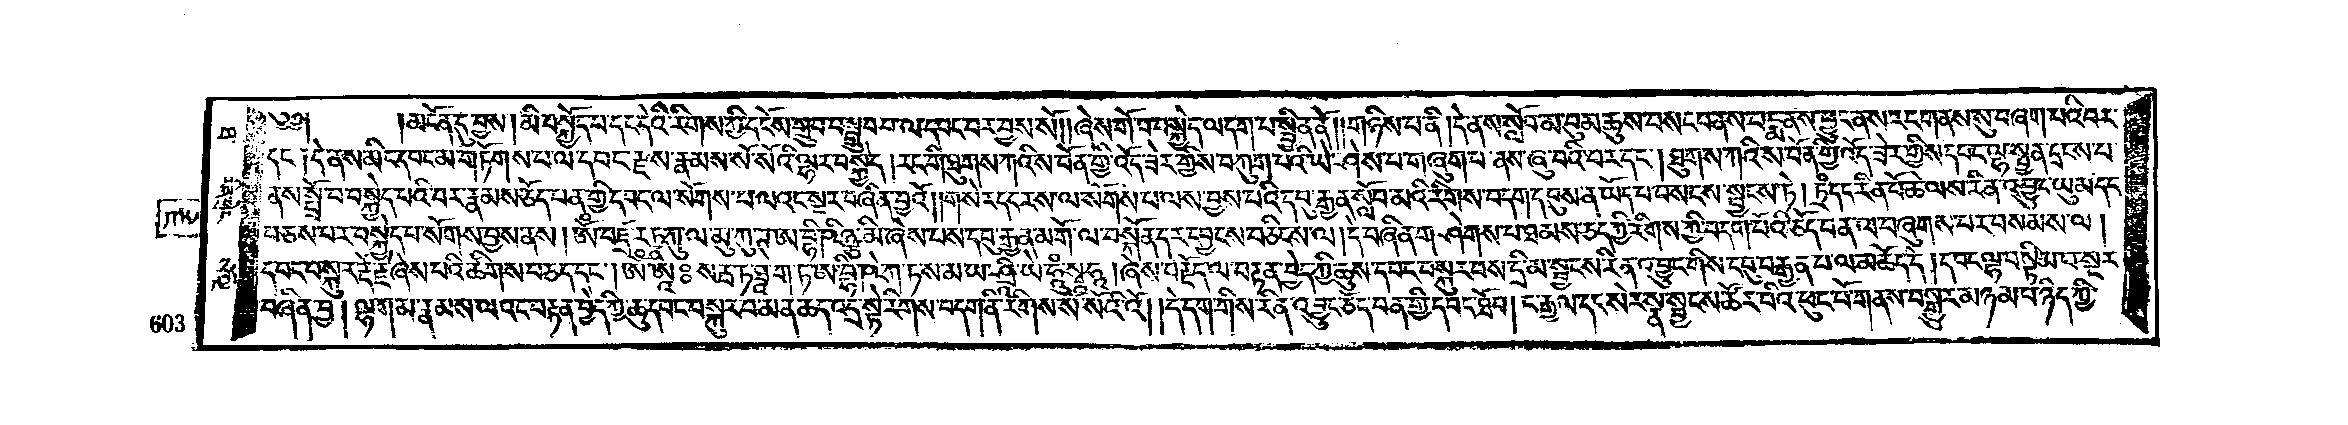༄༅། །མངོན་དུ་བྱས། མི་བསྐྱོད་པ་དང་དེའི་རིགས་ཀྱི་དངོས་གྲུབ་བསྒྲུབ་པ་ལ་དབང་བར་བྱས་སོ། །ཞེས་གོ་བ་བསྐྱེད་ལ་དག་པ་སྦྱིན་ནོ། །གཉིས་པ་ནི། དེ་ནས་སློབ་མ་བུམ་ཆུས་བསང་བ་ནས་པདམ་ནས་ཕྱུང་ནས་རང་གནས་སུ་བཞག་པའི་བར་
དང་། དེ་ནས་མིང་དབང་མ་གཏོགས་པ་ལ་དབང་རྫས་རྣམས་སོ་སོའི་ལྷར་བསྐྱེད། རང་གི་ཐུགས་ཀའི་ས་བོན་གྱི་འོད་ཟེར་གྱིས་བཀུག་པའི་ཡེ་ཤེས་པ་གཞུག་པ་ནས་ཞུ་བའི་བར་དང་། ཐུགས་ཀའི་ས་བོན་གྱི་འོད་ཟེར་གྱིས་དབང་ལྷ་སྤྱན་དྲངས་པ་
ནས་སྤྲོ་བ་བསྐྱེད་པའི་བར་རྣམས་ཅོད་པན་གྱི་དབང་ལ་སོགས་པ་ལའང་སྔར་བཞིན་བྱའོ། །གསེར་དང་རས་ལ་སོགས་པ་ལས་བྱས་པའི་དབུ་རྒྱན་སློབ་མའི་རིགས་བདག་དབུས་ན་ཡོད་པ་བསངས་སྦྱངས་ཏེ། ཏྲཾ་དང་རིན་པོ་ཆེ་ལས་རིན་འབྱུང་ཡུམ་དང་
བཅས་པར་བསྐྱེད་པ་སོགས་བྱས་ནས། ཨོཾ་བཛྲ་རཏྣ་ཀུ་ལ་མུ་ཀུ་ཊ་ཨ་བྷི་ཥིཉྩ་མི་ཞེས་པས་དབུ་རྒྱན་མགོ་ལ་བསྐོན་དར་དབྱངས་བཅིངས་ལ། དེ་བཞིན་གཤེགས་པ་ཐམས་ཅད་ཀྱི་རིགས་ཀྱི་བདག་པོའི་ཅོད་པན་ལ་བཞུགས་པར་བསམས་ལ།
དབང་བསྐུར་རྡོ་རྗེ་ཞེས་པའི་ཚོགས་བཅད་དང་། ཨོཾ་ཨཱིཿ སརྦ་ཏ་ཐཱ་ག་ཏ་ཨ་བྷི་ཥེ་ཀ་ཏ་ས་མ་ཡ་ཤྲཱི་ཡེ་ཧཱུཾ་སྭཱ་ཧཱ། ཞེས་བརྗོད་ལ་བརྟན་བྱེད་ཀྱི་ཆུས་དབང་བསྐུར་བས་དྲི་མ་སྦྱངས་རིན་འབྱུང་གིས་དུབ་བརྒྱན་པ་ལ་མཆོད་དེ། དབང་ལྷ་བསྟིམ་པ་སྔར་
བཞིན་བྱ། ལྷག་མ་རྣམས་ལའང་བརྟན་བྱེད་ཀྱི་ཆུ་དབང་བསྐུར་བ་མན་ཆད་འདྲ་སྟེ་རིགས་བདག་ནི་རིགས་སོ་སོའི་འོ། །དེ་དག་གིས་རིན་འབྱུང་ཅོད་པན་གྱི་དབང་ཐོབ། ང་རྒྱལ་དང་སེར་སྣ་སྦྱངས་ཚོར་བའི་ཕུང་པོ་གནས་བསྒྱུར་མཉམ་པ་ཉིད་ཀྱི་